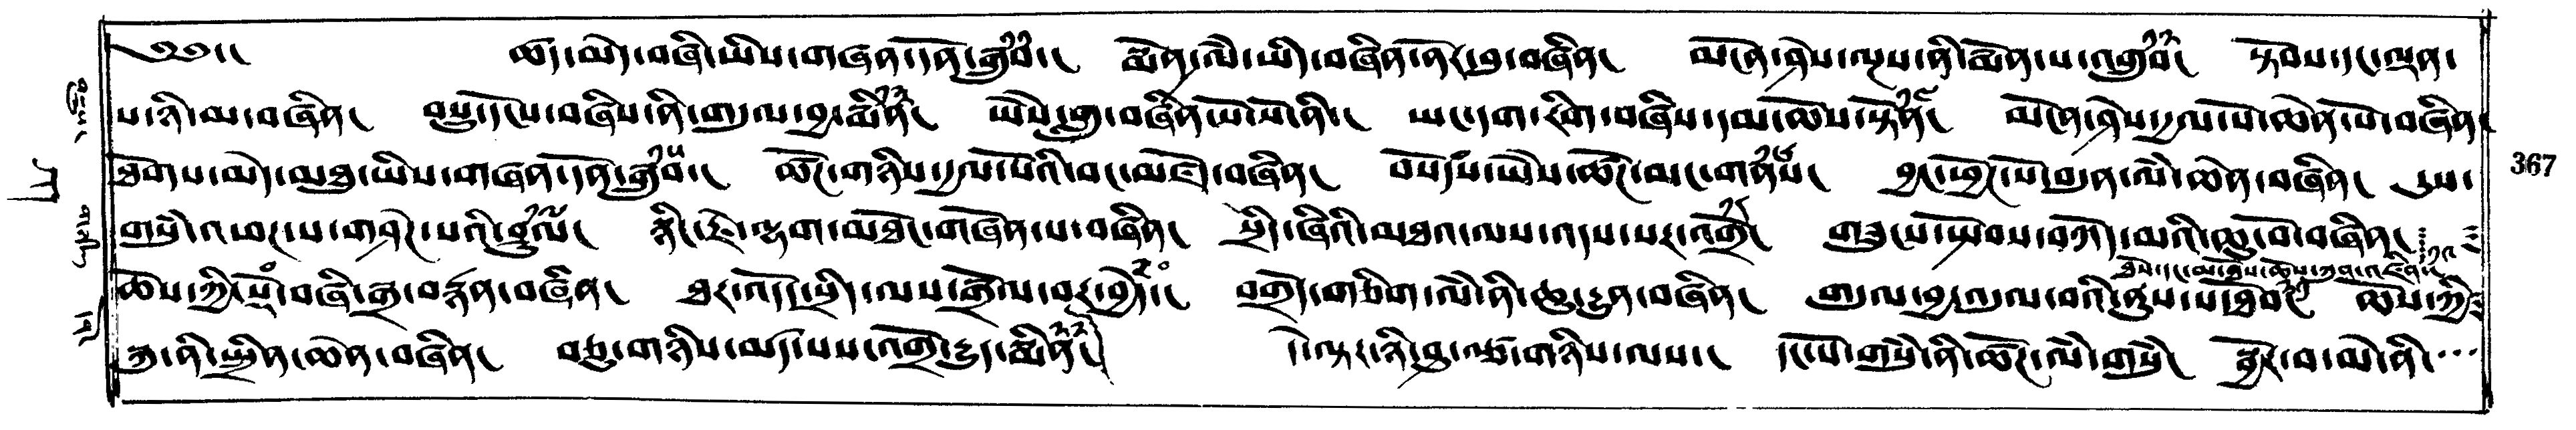ཚད་མེད་བཞི་ཡིས་གཞན་དོན་སྒྲུབ། །སྨོན་ལམ་ཡིད་བཞིན་ནོར་བུ་བཞིན། །མངོན་ཤེས་ལྔས་ནི་སྨོན་པ་འགྲུབ། །སྟོབས་དང་ལྡན་
པ་ཉི་མ་བཞིན། །བསྡུ་དངོས་བཞིས་ནི་གདུལ་བྱ་སྨིན། །ཡེ་ཤེས་གླུ་བཞིན་སོ་སོ་ནི། །ཡང་དག་རིག་བཞིས་དམ་ཆོས་སྟོན། །མངོན་ཤེས་རྒྱལ་པོ་ཆེན་པོ་བཞིན། །
ཐོགས་མེད་མཐུ་ཡིས་གཞན་དོན་སྒྲུབ། །ཚོགས་གཉིས་རྒྱལ་པོའི་དབང་མཛོད་བཞིན། །བསོད་ནམས་ཡེ་ཤེས་ཚོགས་མང་གནས། །བྱང་ཕྱོགས་སོ་བདུན་ལམ་ཆེན་བཞིན། །དུས་
གསུམ་འཕགས་པ་གཤེགས་པའི་ཤུལ། །སྙིང་རྗེ་ལྷག་མཐོང་གཞོན་པ་བཞིན། །སྲིད་ཞིའི་མཐའ་ལས་འདས་པར་འགྲོ། །གཟུངས་སྤོབས་བཀོད་མའི་ཆུ་བོ་བཞིན། །ཐོས་དང་མ་ཐོས་ཆོས་ཀུན་འཛིན། །
ཆོས་ཀྱི་སྡོམ་བཞི་སྒྲ་བརྙན་བཞིན། །ཐར་འདོད་སྲིད་ལས་སྒྲོལ་བར་བྱེད། །བགྲོད་གཅིག་ལམ་ནི་ཆུ་རྒྱུན་བཞིན། །གདུལ་བྱ་འདུལ་བའི་ནུས་པ་ཐོབ། །ཆོས་ཀྱི་
སྐུ་ནི་སྤྲིན་ཆེན་བཞིན། །བཅུ་གཉིས་མཛད་པས་འགྲོ་རྒྱུད་སྨིན། །དེ་ལྟར་ཉི་ཤུ་རྩ་གཉིས་ལས། །དང་པོ་གསུམ་ནི་ཚོགས་ལམ་གསུམ། །སྦྱོར་བ་མེ་ནི་